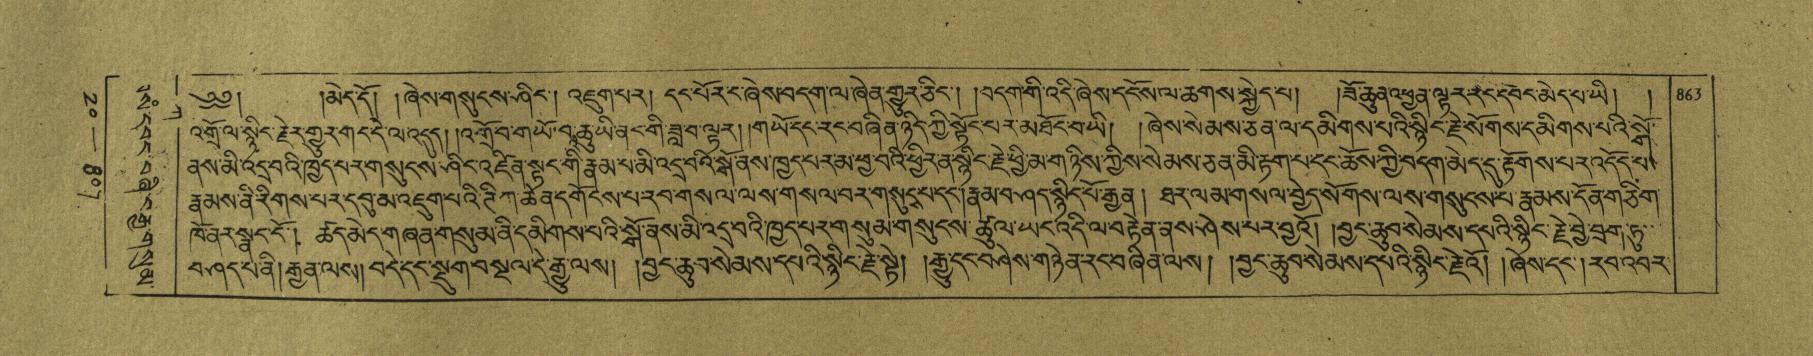༄༅། །མེད་དོ། །ཞེས་གསུངས་ཤིང་། འཇུག་པར། དང་པོར་ང་ཞེས་བདག་ལ་ཞེན་གྱུར་ཅིང་། །བདག་གི་འདི་ཞེས་དངོས་ལ་ཆགས་སྐྱེད་པ། །ཟོ་ཆུན་འཕྱན་ལྟར་རང་དབང་མེད་པ་ཡི། །
འགྲོ་ལ་སྙིང་རྗེར་གྱུར་གང་དེ་ལ་འདུད། །འགྲོ་བ་གཡོ་བའི་ཆུ་ཡི་ནང་གི་ཟླ་བ་ལྟར། །གཡོ་དང་རང་བཞིན་ཉིད་ཀྱི་སྟོང་པར་མཐོང་བ་ཡི། །ཞེས་སེམས་ཅན་ལ་དམིགས་པའི་སྙིང་རྗེ་སོགས་དམིགས་པའི་སྒོ་
ནས་མི་འདྲ་བའི་ཁྱད་པར་གསུངས་ཤིང་འཛིན་སྟང་གི་རྣམ་པ་མི་འདྲ་བའི་སྒོ་ནས་ཁྱད་པར་མ་ཕྱ་བའི་ཕྱིར་ན་སྙིང་རྗེ་ཕྱི་མ་གཉིས་ཀྱིས་སེམས་ཅན་མི་རྟག་པ་དང་ཆོས་ཀྱི་བདག་མེད་དུ་རྟོགས་པར་འདོད་པ་
རྣམས་ནི་རིགས་པར་དབུ་མ་འཇུག་པའི་ཊིཀ་ཆེན་དགོངས་པ་རབ་གསལ་ལས་གསལ་བར་གསུངས་པ་དང་། རྣམ་བཤད་སྙིང་པོ་རྒྱན། ཐར་ལམ་གསལ་བྱེད་སོགས་ལས་གསུངས་པ་རྣམས་དོན་གཅིག་
ཁོ་ནར་སྣང་ངོ། ཚད་མེད་གཞན་གསུམ་ནི་དམིགས་པའི་སྒོ་ནས་མི་འདྲ་བའི་ཁྱད་པར་གསུམ་གསུངས་ཚུལ་ཡང་འདི་ལ་བརྟེན་ནས་ཤེས་པར་བྱའོ། །བྱང་ཆུབ་སེམས་དཔའི་སྙིང་རྗེ་བྱེ་བྲག་ཏུ་
བཤད་པ་ནི། རྒྱན་ལས། བདེ་དང་སྡུག་བསྔལ་དེ་རྒྱུ་ལས། །བྱང་ཆུབ་སེམས་དཔའི་སྙིང་རྗེ་སྟེ། །རྒྱུ་དང་བཤེས་གཉེན་རང་བཞིན་ལས། །བྱང་ཆུབ་སེམས་དཔའི་སྙིང་རྗེའོ། །ཞེས་དང་། རབ་འབར་